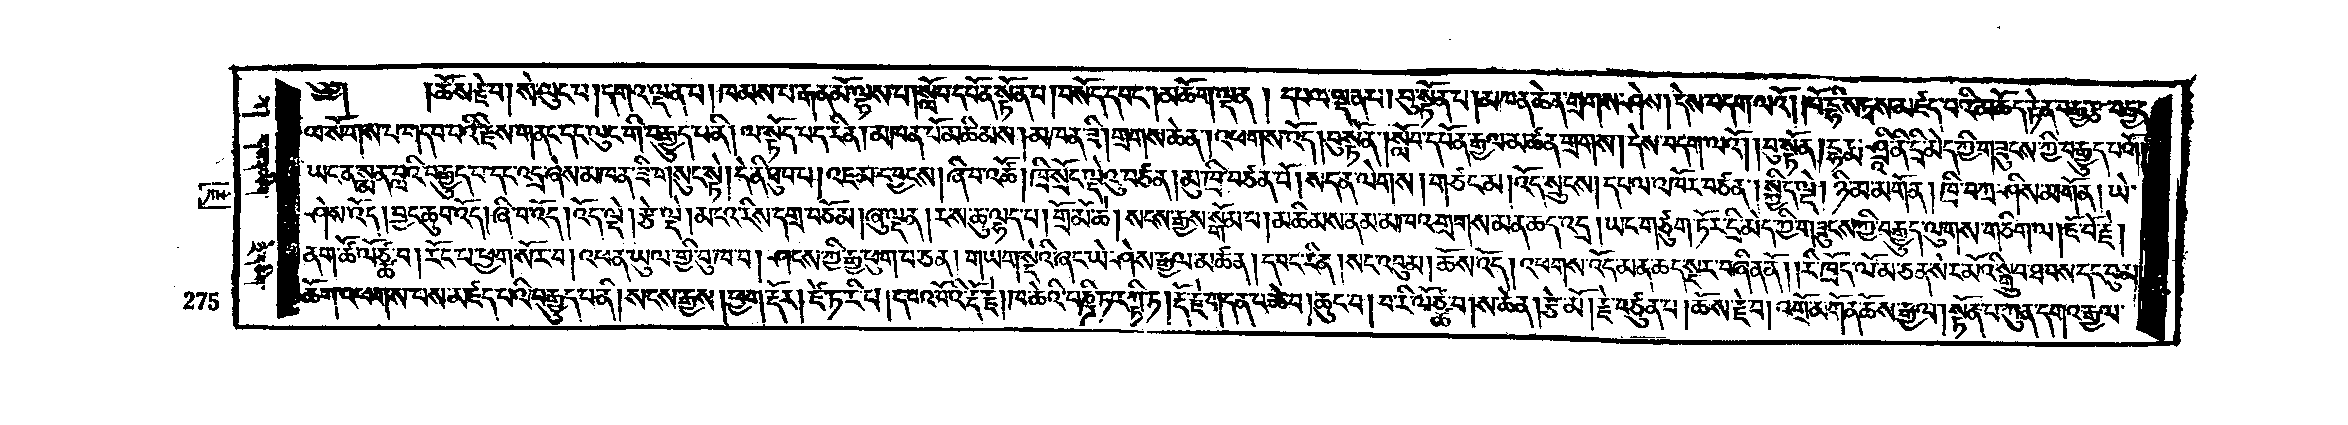༄༅། །ཆོས་རྗེ་པ། སེ་ལུང་པ། དགའ་ལྡན་པ། ཁམས་པ་རྒན་མོ་ལྷས་པ། སློབ་དཔོན་སྟོན་པ། བསོད་དབང་། མཆོག་ལྡན། དཔལ་ལྡན་པ། བུ་སྟོན་པ། མཁན་ཆེན་གྲགས་ཤེས། དེས་བདག་ལའོ། །བོ་དྷི་སྟྭས་མཛད་པའི་མཆོད་རྟེན་བརྒྱ་རྩ་བརྒྱད་
ལ་སོགས་པ་གདབ་པའི་རྗེས་གནང་དང་ལུང་གི་བརྒྱུད་པ་ནི། ལ་སྟོད་པད་རིན། མཁན་པོ་མཆིམས། མཁན་ཟི། གྲགས་ཆེན། འཕགས་འོད། བུ་སྟོན། སློབ་དཔོན་རྒྱལ་མཚན་གྲགས། དེས་བདག་ལའོ། །བུ་སྟོན་།དྷརྨ་ཤྲཱི་ནི་དྲི་མེད་ཀྱི་གཟུངས་ཀྱི་བརྒྱུད་པའོ།།
ཡང་ན་སྨན་བླའི་བརྒྱུད་པ་དང་འདྲ་ཞེས་མཁན་ཟི་གསུང་སྟེ། དེ་ནི་ཐུབ་པ། འཇམ་དབྱངས། ཞི་བ་འཚོ། ཁྲི་སྲོང་ལྡེའུ་བཙན་།མུ་ཁྲི་བཙན་པོ། ས་དན་ལེགས། གཙང་མ། འོད་སྲུངས། དཔལ་འཁོར་བཙན། སྐྱིད་ལྡེ། ཉི་མ་མགོན། ཁྲི་བཀྲ་ཤིས་མགོན། ཡེ་
ཤེས་འོད། བྱང་ཆུབ་འོད། ཞི་བ་འོད། འོད་ལྡེ། རྩེ་ལྡེ། མངའ་རིས་དགྲ་བཅོམ། ཞུ་ལྡན། ར་ས་ཆུ་ལྷད་པ། གྲོ་མོ་ཆེ། སངས་རྒྱས་སྒོམ་པ། མཆིམས་ནམ་མཁའ་གྲགས་མན་ཆད་འདྲ། ཡང་གཙུག་ཏོར་དྲི་མེད་ཀྱི་གཟུངས་ཀྱི་བརྒྱུད་ལུགས་གཅིག་ལ། ཇོ་བོ་རྗེ།
ནག་ཚོ་ལོཙྪ་བ། རོང་པ་ཕྱག་སོར་བ། འཕན་ཡུལ་གྱི་བུ་ཁ་བ། ཤངས་ཀྱི་རྒྱ་ཕུག་པ་ཅན་།གཡག་སྡེའི་ཞང་ཡེ་ཤེས་རྒྱལ་མཚན། དབང་རིན་།སང་འབུམ། ཆོས་འོད། འཕགས་འོད་མན་ཆད་སྔར་བཞིན་ནོ། །རི་ཁྲོད་ལོ་མ་ཅན་སེར་མོའི་སྒྲུབ་ཐབས་དང་བུམ་
ཆོག་འཕགས་པས་མཛད་པའི་བརྒྱུད་པ་ནི། སངས་རྒྱས། ཕྱག་རྡོར། ཛེ་ཏ་རི་པ། དཔའ་བོའི་རྡོ་རྗེ། ཁ་ཆེའི་པཎྜི་ཏ་རཀྟི་ཏ་།རྡོ་རྗེ་གདན་པ་ཆེ་བ། ཆུང་བ། བ་རི་ལོཙྪ་བ། ས་ཆེན། རྩེ་མོ། རྗེ་བཙུན་པ་།ཆོས་རྗེ་བ། འགྲོ་མགོན་ཆོས་རྒྱལ། སྟོན་པ་ཀུན་དགའ་རྒྱལ་